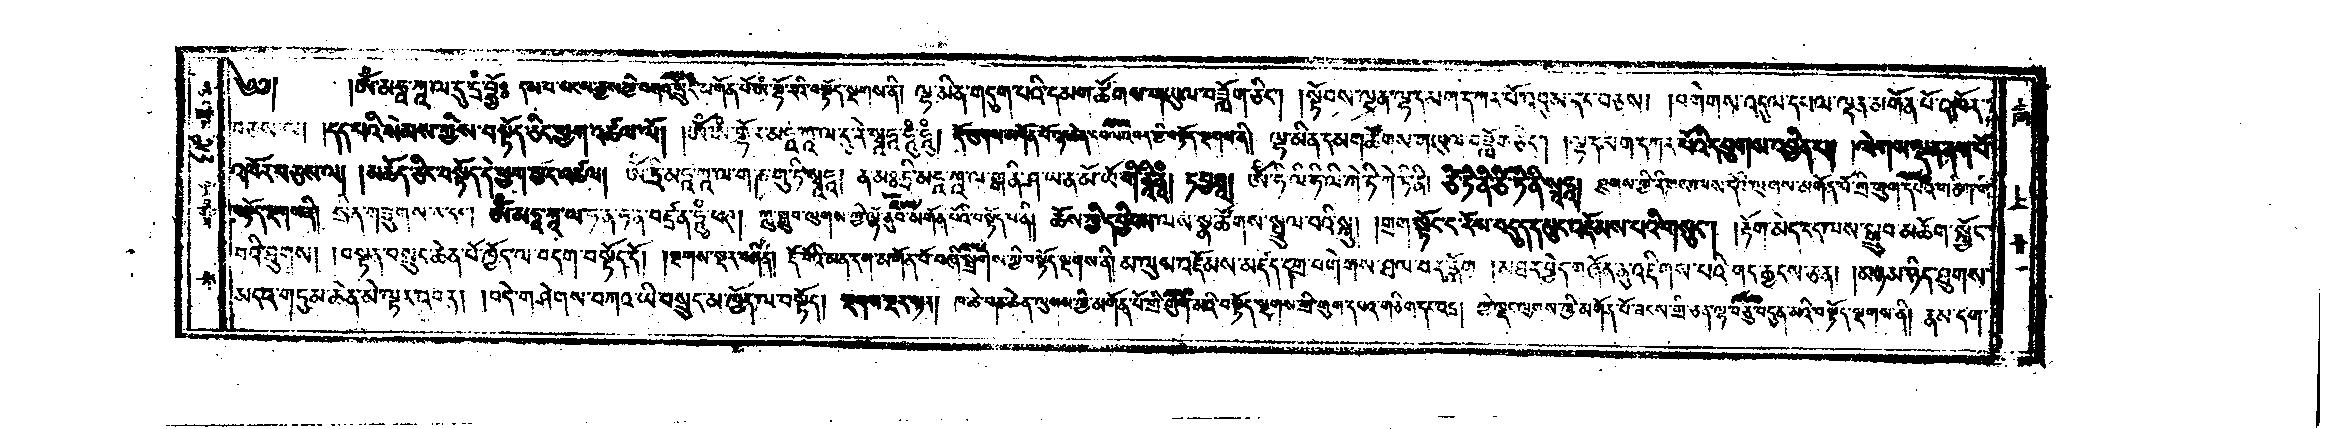༄༅། །ཨོཾ་མཧཱ་ཀཱ་ལ་དུ་དྲཾ་བྷྱོཿ དམ་པ་སངས་རྒྱས་ཀྱི་བཀའ་སྲུང༢༥༤་མགོན་པོ་ཨཾ་གྷོ་རའི་བསྟོད་སྔགས་ནི། ལྷ་མིན་གདུག་པའི་དམག་ཚོགས་གཡུལ་བཟློག་ཅིང་། །སྟོབས་ལྡན་ལྷ་དམག་དཀར་པོ་འབུམ་དང་བཅས། །བགེགས་འདུལ་དཔལ་ལྡན་མགོན་པོ་འཁོར་
བཅས་ལ། །དད་པའི་སེམས་ཀྱིས་བསྟོད་ཅིང་ཕྱག་འཚལ་ལོ། །ཨོཾ་ཨཾ་གྷོ་ར་མཧཱ་ཀཱ་ལ་དུ་རེ་སྭཱཧཱ་ཧཱུཾ་ཧཱུཾ། ཇོ་ལུགས་མགོན་པོ་ལྷ་ཆེན་དཔལ༢༥༥་འབར་གྱི་བསྟོད་སྔགས་ནི། ལྷ་མིན་དམག་ཚོགས་གཡུལ་བཟློག་ཅིང་། །ལྷ་དམག་དཀར་པོའི་དབུགས་འབྱིན་པ། །ལེགས་ལྡན་ནག་པོ་
འཁོར་བཅས་ལ། །མཆོད་ཅིང་བསྟོད་དེ་ཕྱག་ཀྱང་འཚལ། ཨོཾ་ཏྲི་མཧཱ་ཀཱ་ལ་ག་ཎ་གུ་ཏི་སྭཱཧཱ། ན་མཿཏྲི་མཧཱ་ཀཱ་ལ་གྒ་ནི་ཤ་ཡ་ན་མོ་ཡོ་གི་ནཱི་ནཱཾ། ཏདྱ་ཐཱ། ཨོཾ་ཧི་ལི་ཧི་ལི་ཀེ་ཏི་ཀེ་ཏི་ནི། ཙི་ཏི་ནི་ཙི་ཏི་ནི་སྭཱཧཱ། ཐུགས་ཀྱི་རིགས་ལས་དེའི་ལུགས་མགོན་པོ་གྲི་གུག་དཔའ༢༥༦་གཅིག་གི་
བསྟོད་སྔགས་ནི། སྲིན་གཟུགས་མ་དང་།  ཨོཾ་མཧཱ་ཀཱ་ལ་ཧ་ན་ཧ་ན་བཛྲ་ན་ཧཱུཾ་ཕཊ། ཀླུ་སྒྲུབ་ལུགས་ཀྱི་ལྷོ་ནུབ༢༥༧་མགོན་པོའི་བསྟོད་པ་ནི། ཆོས་ཀྱི་དབྱིངས་ལས་སྣ་ཚོགས་སྤྲུལ་པའི་སྐུ། །གྲག་སྟོང་ང་རོས་བདུད་དཔུང་འཇོམས་པའི་གསུང་། །རྟོག་མེད་ངད་ལས་སྒྲུབ་མཆོག་སྐྱོང་
བའི་ཐུགས། །བསྟན་བསྲུང་ཆེན་པོ་ཁྱོད་ལ་བདག་བསྟོད་དོ། །སྔགས་སྔར་བཞིན། ཇོ་བོའི་མན་ངག་མགོན་པོ་བཞི་སྦྲགས༢༥༨་ཀྱི་བསྟོད་སྔགས་ནི། མ་ལུས་འཇོམས་མཛད་དགྲ་བགེགས་ཐལ་བར་རློག །མཐར་བྱེད་གཞོན་ནུ་འཇིགས་པའི་གད་རྒྱངས་ཅན། །མཉམ་ཉིད་ཐུགས་
མངའ་གཏུམ་ཆེན་མེ་ལྟར་འབར། །བདེ་གཤེགས་བཀའ་ཡི་བསྲུང་མ་ཁྱོད་ལ་བསྟོད། སྔགས་སྔར་ལྟར། ཁ་ཆེ་པཎ་ཆེན་ལུགས་ཀྱི་མགོན་པོ་གྲི་གུག༢༥༩་མའི་བསྟོད་སྔགས་གྲི་གུག་དཔའ་གཅིག་དང་འདྲ། ཀྱི་ལྗང་ལུགས་ཀྱི་མགོན་པོ་ཟངས་གྲི་ཅན་ལྷ་བཅུ༢༦༠་བདུན་མའི་བསྟོད་སྔགས་ནི། རྣམ་དག་